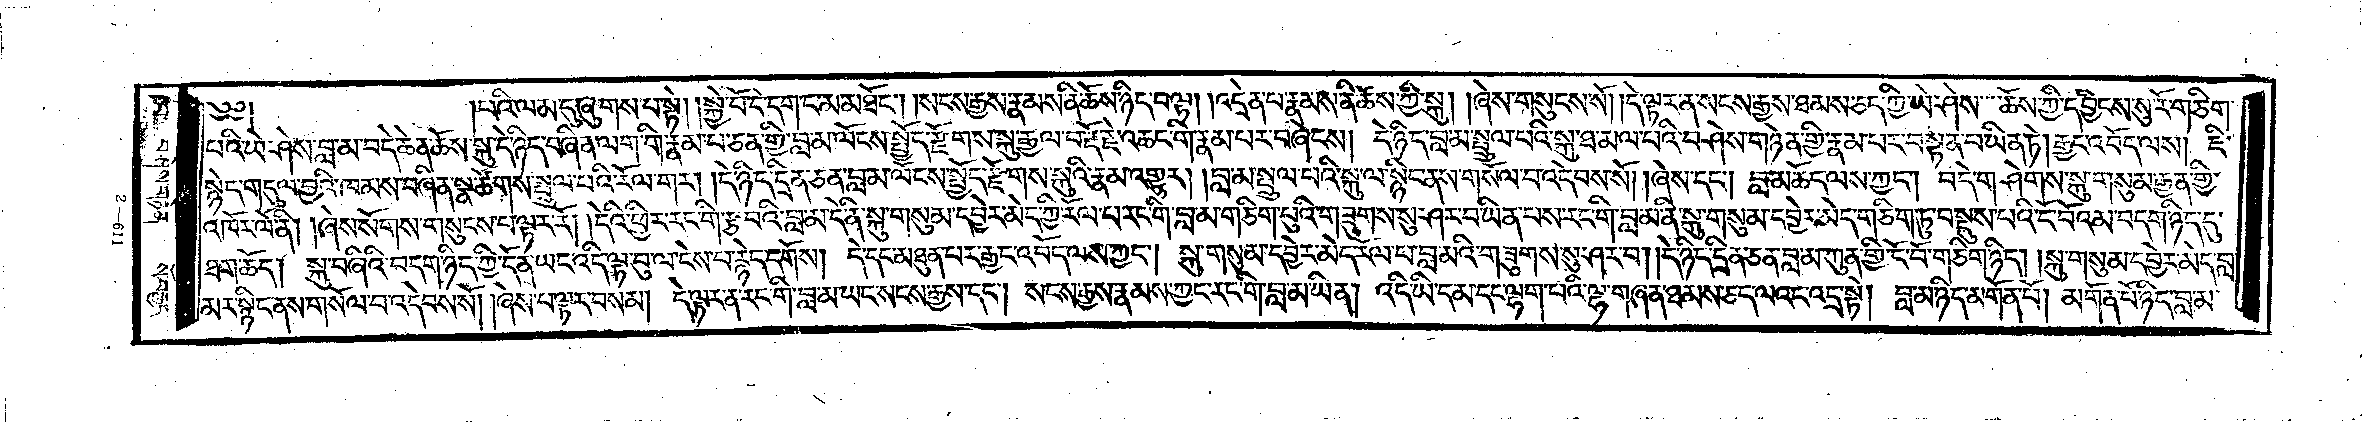༄༅། །པའི་ལམ་དུ་ཞུགས་པ་སྟེ། །སྐྱེ་བོ་དེ་དག་ང་མ་མཐོང་། །སངས་རྒྱས་རྣམས་ནི་ཆོས་ཉིད་བལྟ། །འདྲེན་པ་རྣམས་ནི་ཆོས་ཀྱི་སྐུ། །ཞེས་གསུངས་སོ། །དེ་ལྟར་ན་སངས་རྒྱས་ཐམས་ཅད་ཀྱི་ཡེ་ཤེས་ཆོས་ཀྱི་དབྱིངས་སུ་རོ་གཅིག་
པའི་ཡེ་ཤེས་བླ་མ་བདེ་ཆེན་ཆོས་སྐུ་དེ་ཉིད་བཞིན་ལག་གི་རྣམ་པ་ཅན་གྱི་བླ་མ་ལོངས་སྤྱོད་རྫོགས་སྐུ་རྒྱལ་པ་རྡོ་རྗེ་འཆང་གི་རྣམ་པར་བཞེངས། དེ་ཉིད་བླ་མ་སྤྲུལ་པའི་སྐུ་ཐ་མལ་པའི་བཤེས་གཉེན་གྱི་རྣམ་པར་བསྟན་པ་ཡིན་ཏེ། རྒྱང་འབོད་ལས། ཇི་
སྙེད་གདུལ་བྱའི་ཁམས་བཞིན་སྣ་ཚོགས་སྤྲུལ་པའི་རོལ་གར། །དེ་ཉིད་དྲིན་ཅན་བླ་མ་ལོངས་སྤྱོད་རྫོགས་སྐུའི་རྣམ་འགྱུར། །བླ་མ་སྤྲུལ་པའི་སྐུ་ལ་སྙིང་ནས་གསོལ་བ་འདེབས་སོ། །ཞེས་དང་། བླ་མཆོད་ལས་ཀྱང་། བདེ་གཤེགས་སྐུ་གསུམ་རྒྱན་གྱི་
འཁོར་ལོ་ནི། །ཞེས་སོགས་གསུངས་པ་ལྟར་རོ། །དེའི་ཕྱིར་རང་གི་རྩ་བའི་བླ་མ་དེ་ནི་སྐུ་གསུམ་དབྱེར་མེད་ཀྱི་རོལ་པ་རང་གི་བླ་མ་གཅིག་པུའི་གཟུགས་སུ་ཤར་བ་ཡིན་པས་རང་གི་བླ་མ་ནི་སྐུ་གསུམ་དབྱེར་མེད་གཅིག་ཏུ་བསྡུས་པའི་ངོ་བོའམ་བདག་ཉིད་དུ་
ཐག་ཆོད། སྐུ་བཞིའི་བདག་ཉིད་ཀྱི་དོན་ཡང་འདི་ལྟ་བུ་ལ་ངེས་པ་རྙེད་དགོས། དེ་དང་མཐུན་པར་རྒྱང་འབོད་ལས་ཀྱང་། སྐུ་གསུམ་དབྱེར་མེད་རོལ་པ་བླ་མའི་གཟུགས་སུ་ཤར་བ། །དེ་ཉིད་དྲིན་ཅན་བླ་མ་ཀུན་གྱི་ངོ་བོ་གཅིག་ཉིད། །སྐུ་གསུམ་དབྱེར་མེད་བླ་
མར་སྙིང་ནས་གསོལ་བ་འདེབས་སོ། །ཞེས་པ་ལྟར་བསམ། དེ་ལྟར་ན་རང་གི་བླ་མ་ཡང་སངས་རྒྱས་དང་། སངས་རྒྱས་རྣམས་ཀྱང་རང་གི་བླ་མ་ཡིན། འདི་ཡི་དམ་དང་ལྷག་པའི་ལྷ་གཞན་ཐམས་ཅད་ལའང་འདྲ་སྟེ། བླ་མ་ཉིད་མགོན་པོ། མགོན་པོ་ཉིད་བླ་མ་